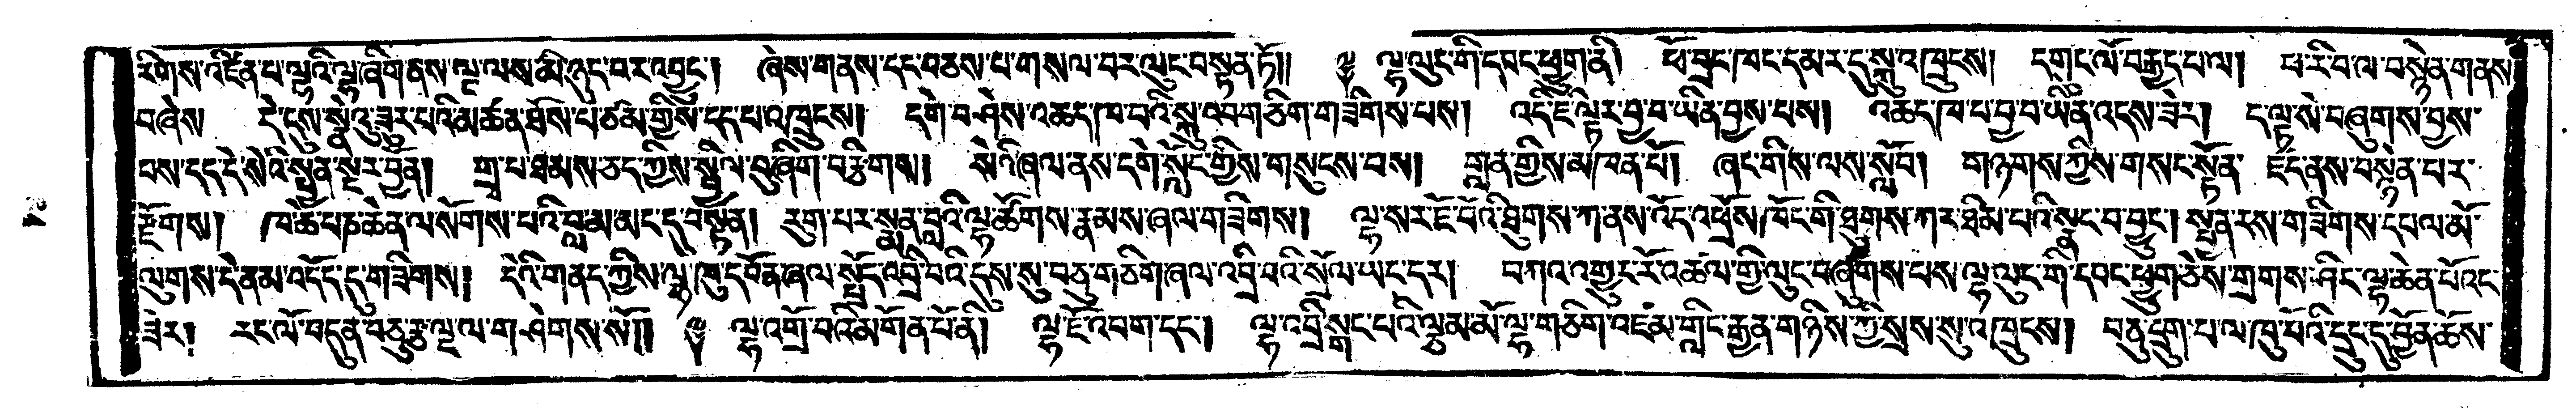རིགས་འཛིན་པ་ལྷའི་ལྷ་ཞིག་ནས་ལྔ་ལས་མི་ཉུང་བར་འབྱུང་། ཞེས་གནས་དང་བཅས་པ་གསལ་བར་ལུང་བསྟན་ཏོ།། ༈ ལྷ་ལུང་གི་དབང་ཕྱུག་ནི། ཕོ་བྲང་ཁང་དམར་དུ་སྐུ་འཁྲུངས། དགུང་ལོ་བརྒྱད་པ་ལ། ཕ་རི་བ་ལ་བསྙེན་གནས་
བཞེས་དེ་དུས་སྣེའུ་ཟུར་བའི་མཚན་ཐོས་པ་ཙམ་གྱིས་དད་པ་འཁྲུངས། དགེ་བཤེས་འཆད་ཁ་བའི་སྐུ་འབག་ཅིག་གཟིགས་པས། འདི་ཇི་ལྟར་བྱ་བ་ཡིན་བྱས་པས། འཆད་ཁ་པ་བྱ་བ་ཡིན་འདས་ཟེར། ད་ལྟ་སེ་བཞུགས་བྱས་
བས་དད་དེ་སོའི་སྤྱན་སྔར་བྱོན། གྲྭ་པ་ཐམས་ཅད་ཀྱིས་སྤྱིལ་བུ་ཞིག་བརྩིགས། སེའི་ཞལ་ནས་དགེ་སློང་གྱིས་གསུངས་བས། གླན་གྱིས་མཁན་པོ། ཞང་གིས་ལས་སློབ། གཉགས་ཀྱིས་གསང་སྟོན་ཛད་ནས་བསྙེན་པར་
རྫོགས། ཁ་ཆེ་པཎ་ཆེན་ལ་སོགས་པའི་བླ་མ་མང་དུ་བསྟོན། རུག་པར་སྨན་བླའི་ལྷ་ཚོགས་རྣམས་ཞལ་གཟིགས། ལྷ་སར་པོ་བོའི་ཐུགས་ཀ་ནས་འོད་འཕྲོས་ཁོང་གི་ཐུགས་ཀར་ཐིམ་པའི་སྣང་བ་བྱུང་། སྤྱན་རས་གཟིགས་དཔལ་མོ་
ལུགས་དེ་ནམ་འདོད་དུ་གཟིགས། དེའི་གནད་ཀྱིས་ལྷ་ཁུ་དབོན་ཞལ་སྤྲོད་འབྲི་བའི་དུས་སུ་བཅུ་གཅིག་ཞལ་འབྲི་བའི་སྲོལ་ཡང་དར། བཀའ་འགྱུར་རོ་འཚལ་གྱི་ལུང་བཞུགས་པས་ལྷ་ལུང་གི་དབང་ཕྱུག་ཅེས་གྲགས་ཤིང་ལྷ་ཆེན་པོའང་
ཟེར། རང་ལོ་བདུན་བཅུ་རྩ་ལྔ་ལ་གཤེགས་སོ།། ༈ ལྷ་འགྲོ་བའི་མགོན་པོ་ནི། ལྷ་ཇོ་འབག་དང་། ལྷ་འབྲི་སྒང་བའི་ལྕམ་མོ་ལྷ་གཅིག་འཛམ་གླིང་རྒྱན་གཉིས་ཀྱི་སྲས་སུ་འཁྲུངས། བཅུ་དྲུག་པ་ལ་ཁུ་བོའི་དྲུང་དུ་བྱོན་ཆོས་